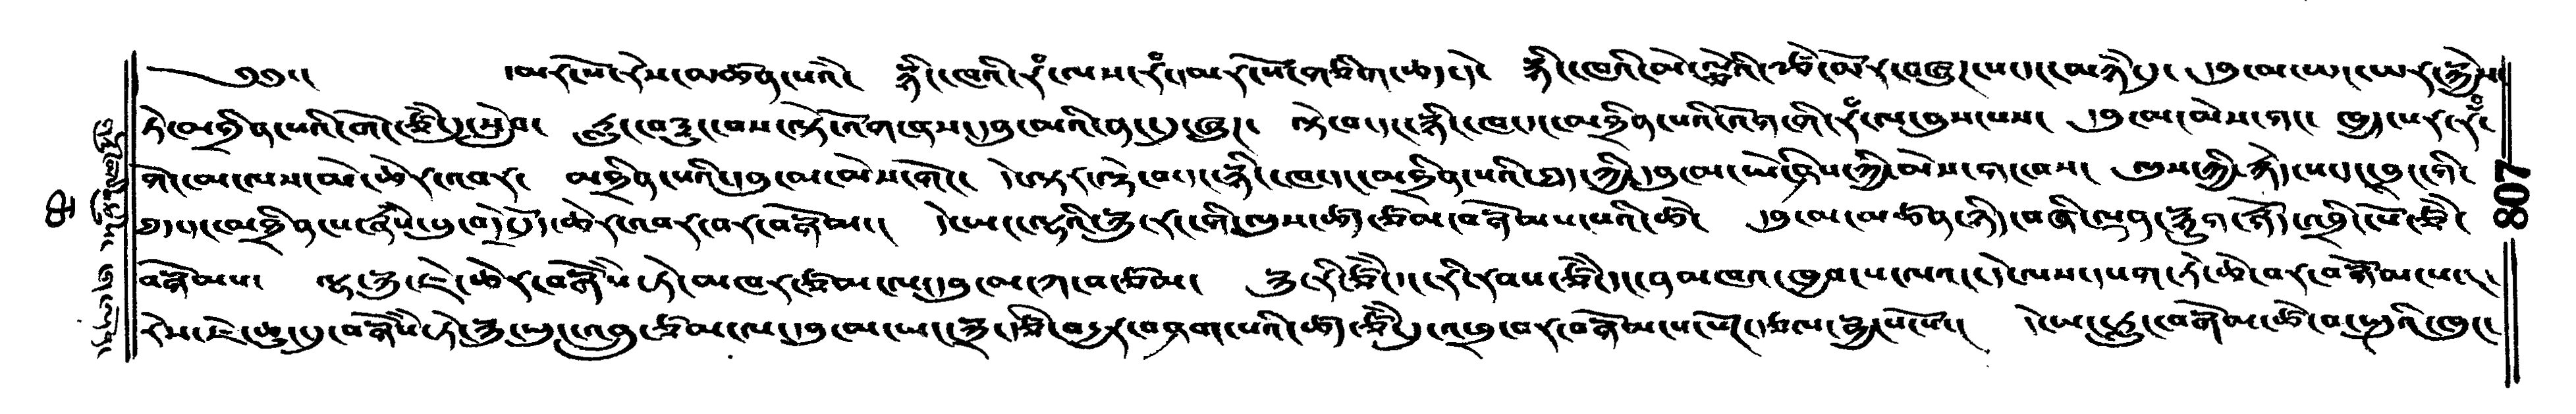དམར་པོ་རེས་མཚན་པའམ། སྙིང་ཁའི་རྃ་ལས་རྃ་དམར་པོ་གཅིག་ཆད་དེ། སྙིང་ཁའི་མེ་ལྕེའི་རྩེ་མོར་བཞུགས་པ་དང་མཉམ་དུ་དབུ་མ་ཡང་ཡར་སྐྱེས་
ཏེ་མགྲིན་པའི་གོང་ཙམ་དུ་སླེབས། རླུང་བཟུང་བས་ལྟེ་འོག་ནས་དབུ་མའི་ནང་དུ་ཞུགས། ལྟེ་བ་དང་སྙིང་ཁ་དང་མགྲིན་པའི་འོག་གི་རྃ་ལ་བུས་པས། དབུ་མ་མེས་གང་། ཁྱད་པར་རྃ་
གོང་མ་ལས་མེ་ཆེར་འབར། མགྲིན་པའི་དབུ་མ་མེས་གང་། དེ་ལྟར་ལྟེ་བ་དང་སྙིང་ཁ་དང་མགྲིན་པའི་ཐད་ཀྱི་དབུ་མ་ཡེ་ཤེས་ཀྱི་མེས་གང་བས། ལུས་ཀྱི་སྐེད་པ་དང་བྲང་གི་
ཐད་དང་མགྲིན་པ་རྣམས་སུ་བདེ་དྲོད་ཆེར་འབར་བར་བསྒོམ། དེ་ཡང་ལྷའི་སྐུ་རང་གི་ལུས་ཚད་ཙམ་བསྒོམ་པའི་ཚེ། དབུ་མ་མཚན་ཉིད་བཞི་ལྡན་སྙུག་རྒོད་འབྲིང་པོ་ཙམ་
བསྒོམ། ལྷ་སྐུ་ཇེ་ཆེར་བསྒོམ་སྟེ་མཁར་ཙམ་ལ་དབུ་མ་ཀ་བ་ཙམ། སྐུ་རི་ཙམ་དང་རི་རབ་ཙམ་དང་ནམ་མཁའ་ཁྱབ་པ་ལའང་དེ་ལས་དཔགས་ཏེ་ཆེ་བར་བསྒོམ་པ་དང་ས། 
རེས་ཇེ་ཆུང་དུ་བསྒོམ་སྟེ་སྐུ་ཡུངས་འབྲུ་ཙམ་ལ་དབུ་མ་ཡང་སྐྲ་རྩེ་བརྒྱར་བཤགས་པའི་ཚད་ཙམ་དུ་འཕྲ་བར་བསྒོམ་པ་སོགས་རྩལ་བྱང་ངོ་། དེ་ཡང་རླུང་བསྒོམ་ཚེ་བ་སྤུའི་ཁུང་བུ་